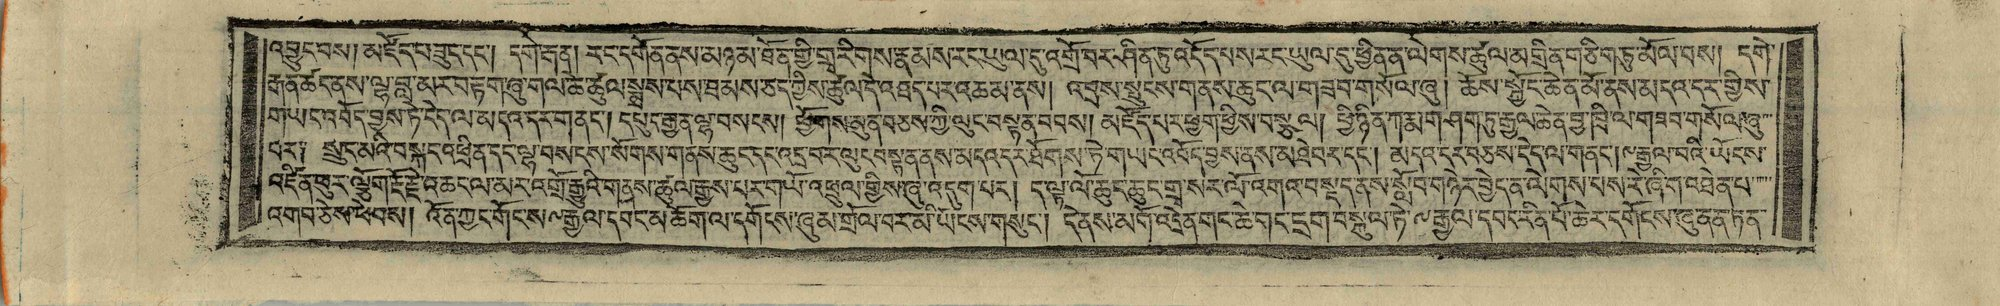འབྱུང་བས། མཛོད་བཟུང་དང་། དགེ་རྒན། རང་དགོན་ནས་མཉམ་ཐོན་གྱི་གྲྭ་རིགས་རྣམས་རང་ཡུལ་དུ་འགྲོ་བར་ཤིན་ཏུ་འདོད་པས་རང་ཡུལ་དུ་ཕྱིན་ན་ལེགས་ཚུལ་མགྲིན་གཅིག་ཏུ་མོལ་བས། དགེ་
རྒན་ཚང་ནས་ལྷ་བླ་མར་བརྟག་ཞུ་གལ་ཆེ་ཚུལ་སྨྲས་པས་ཐམས་ཅད་ཀྱིས་ཚུལ་དེ་འཐད་པར་འཚམ་ནས། འབྲས་སྤུངས་གནས་ཆུང་ལ་གཟབ་གསོལ་ཞུ། ཆོས་སྐྱོང་ཆེན་མོ་ནས་མདའ་དར་གྱིས་
གཡང་འབོད་བྱས་ཏེ་ངེད་ལ་མདའ་དར་གནང་། དཔུང་རྒྱན་ལྷ་བསངས། ཕྱོགས་མུན་བཅས་ཀྱི་ལུང་བསྟན་བབས། མཛོད་པར་ཕྱག་ཕྱིས་བསྩལ། ཕྱི་ཉིན་ཀརྨ་གཤག་ཏུ་རྒྱལ་ཆེན་བྱ་ཁྲི་ལ་གཟབ་གསོལ་ཞུ་
པར༑ སྲུང་མའི་བསྐང་འཕྲིན་དང་ལྷ་བསངས་སོགས་གནས་ཆུང་དང་འདྲ་བར་ལུང་བསྟན་ནས་མདའ་དར་ཐོགས་ཏེ་གཡང་འབོད་བྱས་ནས་མཐེབ་ར་དང་། མདའ་དར་བཅས་ངེད་ལ་གནང་། ༧་རྒྱལ་བའི་ཡོངས་
འཛིན་ཕུར་ལྕོག་རྡོ་རྗེ་འཆང་ལ་མར་འགྲོ་རྒྱུའི་གནས་ཚུལ་རྒྱས་པར་གཡོ་འཕྲུལ་གྱིས་ཞུ་འདུག་པར། ད་ལྟ་ལོ་ཆུང་ཆུང་གྲྭ་སར་ལོ་འགའ་བསྡད་ནས་སློབ་གཉེར་བྱེད་ན་ལེགས་པས་རེ་ཞིག་འཐེན་པ་
འགབ་ཅེས་ཕེབས། འོན་ཀྱང་གོངས་ས་༧་རྒྱལ་དབང་མཆོག་ལ་དགོངས་ཞུམ་གྲོལ་བར་མི་ཡོངས་གསུང་། དེ་ནས་མགོ་འདྲེན་གང་ཆེ་གང་དྲག་བསྐུལ་ཏེ་༧་རྒྱལ་དབང་རིན་པོ་ཆེར་དགོངས་ཞུ་ནན་ཏན་